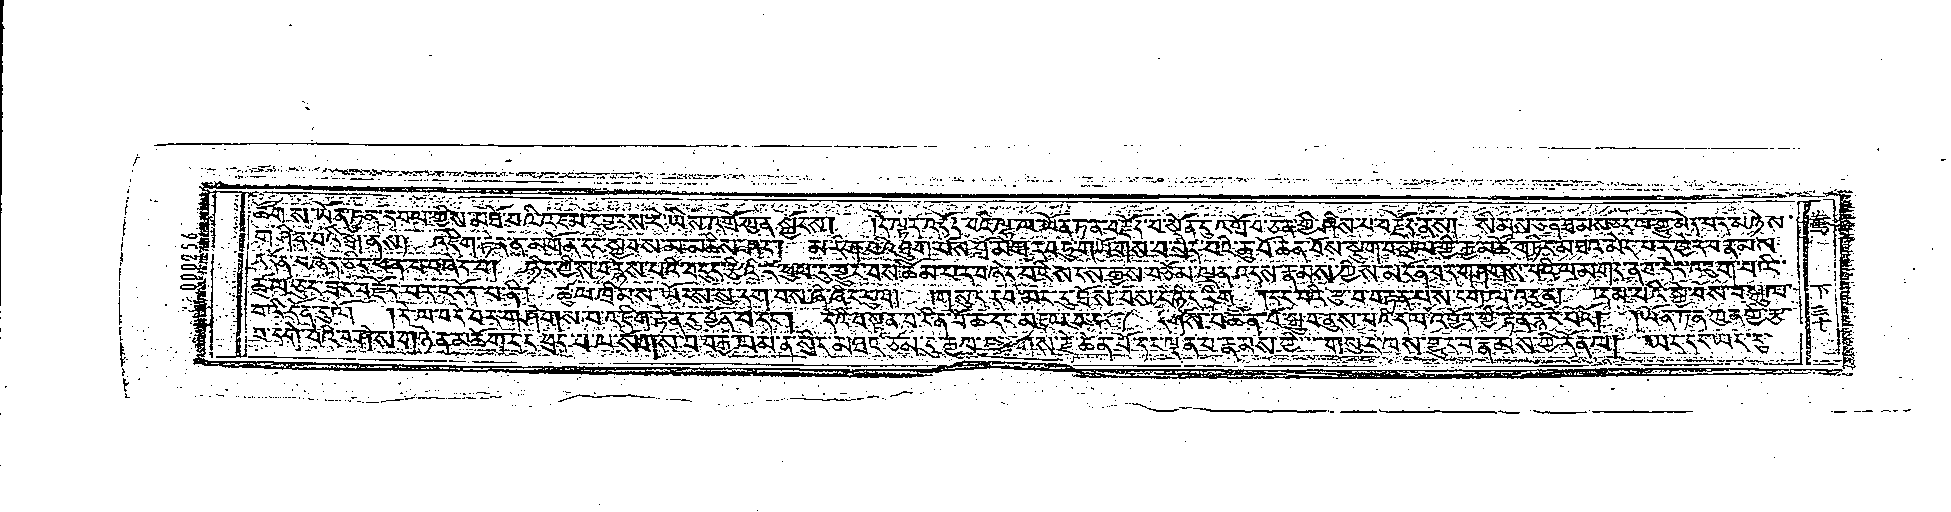ཚོགས་ཡོན་ཏན་དཔལ་གྱིས་མཐོ་བའི་འཇམ་དབྱངས་དེ་ཡིས་འགྲོ་ཀུན་སྐྱོངས། །དེ་ལྟར་འདོད་པའི་ལྷ་ལ་ཡོན་ཏན་བརྗོད་པ་སྒྣོན་དུ་འགྲོ་བ་ཅན་གྱི་ཤེས་པ་བརྗོད་ནས། སེམས་ཅན་ཐམས་ཅད་ལ་རྒྱུ་མེད་པར་མཉེས་
གཤིན་པའི་སྒོ་ནས། འཇིག་རྟེན་ན་མགོན་དང་སྐྱབས་མ་མཆིས་ཤིང་། མ་རིག་པའི་ཐུག་པོས་བློ་མིག་རབ་ཏུ་གཡོགས་བ་སྲིད་པའི་ཆུ་བོ་ཆེན་པོས་སྡུག་བསྔལ་གྱི་རྒྱ་མཚོ་གཏིང་མཐའ་མེད་པར་ཁྱེར་བ་རྣམས་
འདོན་བཞེད་ཅིང་ཕན་པ་བཞེང་བ། ཉིང་ཀྱིས་བརྙེས་པའི་བདུད་རྩིའི་རོ་ཕུལ་དུ་བྱུང་བས་ཚིམ་པར་བཞེད་པའི་སངས་རྒྱས་བཅོམ་ལྡན་འདས་རྣམས་ཀྱིས་མངོན་བདེ་གཤེགས་པའི་ལམ་གང་ན་བ་དེད་འཇུག་པའི་
ཚུལ་ཅུང་ཟད་བརྗོད་པར་འདོད་པ་ནི། ཚུལ་ཁྲིམས་ཡོངས་སུ་དག་པས་ཞི་ཞིང་དུལ། །གསུང་རབ་མང་དུ་ཐོས་བས་དེ་ཉིད་རིག །དད་པའི་རྩ་བ་བརྟན་པས་དག་ལ་འདུན། །དམ་པའི་སྐྱེ་བོས་བསྐུལ་
བའི་དོན་དུའོ། །དེ་ལ་བདེ་བར་གཤེགས་པ་འཇིག་རྟེན་དུ་བྱོན་པ་དང་། དེའི་བསྟན་པ་རིན་པོ་ཆེ་དང་མཇལ་བ་དང་། དགོས་པ་ཆེན་པོ་སྒྲུབ་ནུས་པའི་དལ་འབྱོར་གྱི་རྟེན་རྙེད་པའོ། །ཡོན་ཏན་ཀུན་གྱི་རྩ་
བ་དགེ་བའི་བཤེས་གཉེན་མཆོག་དང་ཕྲད་པ་ལ་སོགས་པ་བརྒྱ་ལམ་ན་སྲིད་མཐའ་ཙམ་དུ་རྒྱལ་བ་ཐུགས་རྗེ་ཆེན་པོ་དང་ལྡན་པ་རྣམས་ཀྱི་གསུང་ལས་བྱུང་བ་རྣམས་ཀྱི་དོན་ལ། ཡང་དང་ཡང་དུ་